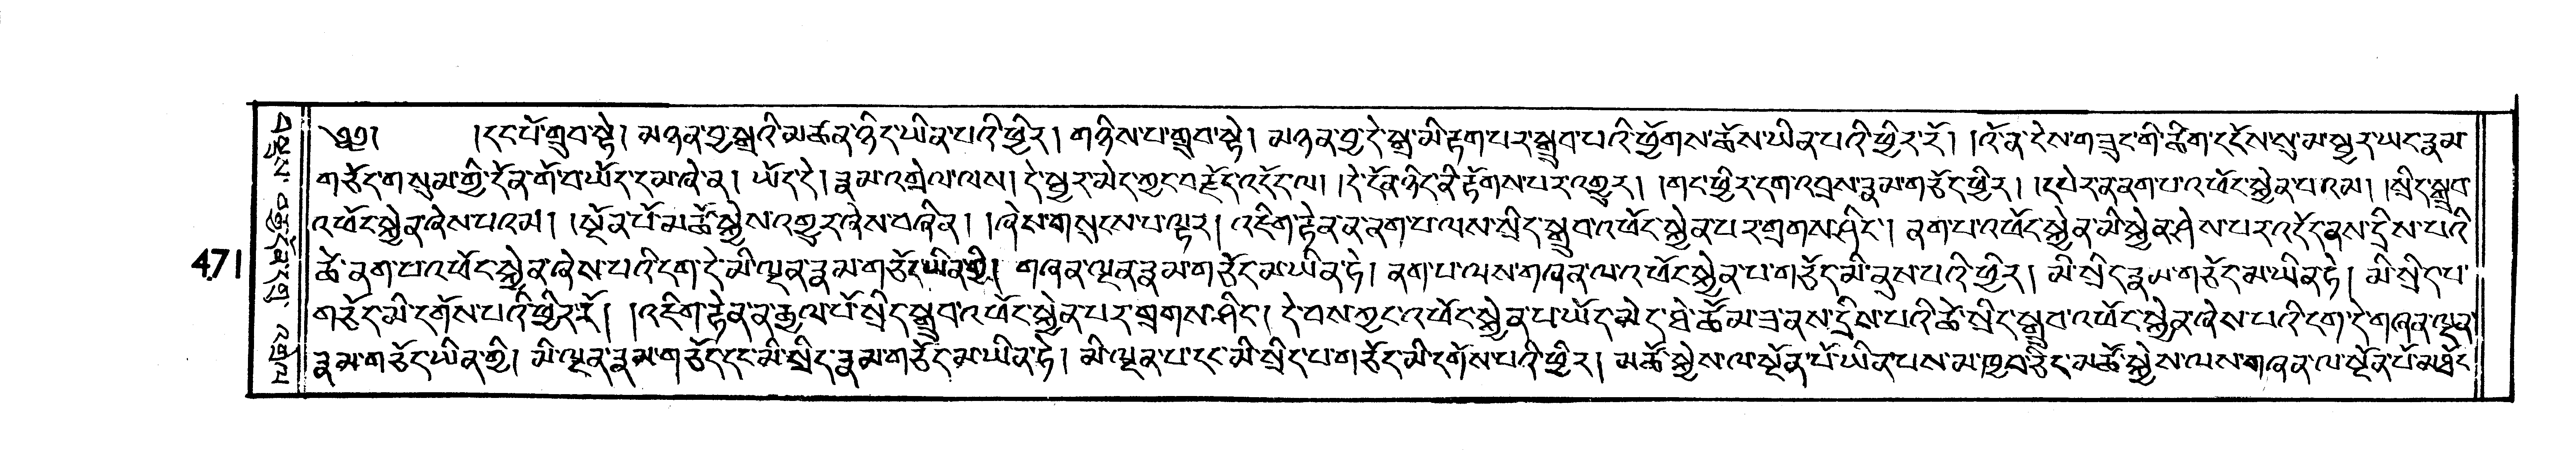༄༅། །དང་པོ་གྲུབ་སྟེ། མཉན་བྱ་སྒྲའི་མཚན་ཉིད་ཡིན་པའི་ཕྱིར། གཉིས་པ་གྲུབ་སྟེ། མཉན་བྱ་དེ་སྒྲ་མི་རྟག་པར་སྒྲུབ་པའི་ཕྱོགས་ཆོས་ཡིན་པའི་ཕྱིར་རོ། །འོ་ན་ངེས་གཟུང་གི་ཚིག་དངོས་སུ་མ་སྦྱར་ཡང་རྣམ་
གཅོད་གསུམ་གྱི་དོན་གོ་བ་ཡོད་དམ་ཞེ་ན། ཡོད་དེ། རྣམ་འགྲེལ་ལས། དེ་སྦྱར་མེད་ཀྱང་བརྗོད་འདོད་ལ། །དེ་དོན་ཉིད་ནི་རྟོགས་པར་འགྱུར། །གང་ཕྱིར་དག་འབྲས་རྣམ་གཅོད་ཕྱིར། །དཔེར་ན་ནག་པ་འཕོང་སྐྱེན་པའམ། །སྲིད་སྒྲུབ་
འཕོང་སྐྱེན་ཞེས་པའམ། །སྔོན་པོ་མཚོ་སྐྱེས་འགྱུར་ཞེས་བཞིན། །ཞེས་གསུངས་པ་ལྟར། འཇིག་རྟེན་ན་ནག་པ་ལས་སྲིད་སྒྲུབ་འཕོང་སྐྱེན་པར་གྲགས་ཤིང་། ནག་པ་འཕོང་སྐྱེན་མི་སྐྱེན་ཤེས་པར་འདོད་ནས་དྲིས་པའི་
ཚེ་ནག་པ་འཕོང་སྐྱེན་ཞེས་པའི་དག་དེ་མི་ལྡན་རྣམ་གཅོད་ཡིན་གྱི། གཞན་ལྡན་རྣམ་གཅོད་མ་ཡིན་ཏེ། ནག་པ་ལས་གཞན་ལ་འཕོང་སྐྱེན་པ་གཅོད་མི་ནུས་པའི་ཕྱིར། མི་སྲིད་རྣམ་གཅོད་མ་ཡིན་ཏེ། མི་སྲིད་པ་
གཅོད་མི་དགོས་པའི་ཕྱིར་རོ། །འཇིག་རྟེན་ན་རྒྱལ་པོ་སྲིད་སྒྲུབ་འཕོང་སྐྱེན་པར་གྲགས་ཤིང་། དེ་བས་ཀྱང་འཕོང་སྐྱེན་པ་ཡོད་མེད་ཐེ་ཚོམ་ཟ་ནས་དྲིས་པའི་ཚེ་སྲིད་སྒྲུབ་འཕོང་སྐྱེན་ཞེས་པའི་ངག་དེ་གཞན་ལྡན་
རྣམ་གཅོད་ཡིན་གྱི། མི་ལྡན་རྣམ་གཅོད་དང་མི་སྲིད་རྣམ་གཅོད་མ་ཡིན་ཏེ། མི་ལྡན་པ་དང་མི་སྲིད་པ་གཅོད་མི་དགོས་པའི་ཕྱིར། མཚོ་སྐྱེས་ལ་སྔོན་པོ་ཡིན་པས་མ་ཁྱབ་ཅིང་མཚོ་སྐྱེས་ལས་གཞན་ལ་སྔོན་པོ་མཐོང་